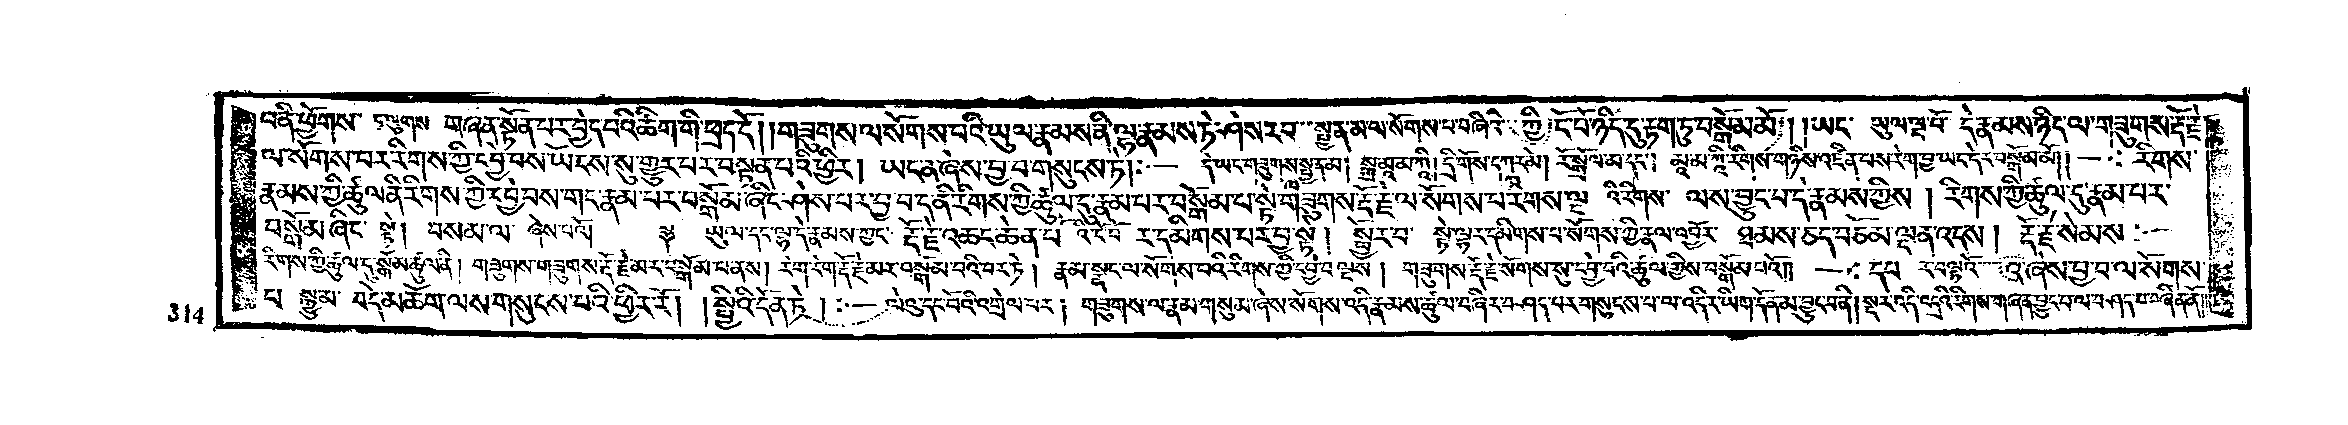བ་ནི་ཕྱོགས་ཏེ་ལུགས་གཞན་སྟོན་པར་བྱེད་པའི་ཚིག་གི་ཕྲད་དོ། །གཟུགས་ལ་སོགས་པའི་ཡུལ་རྣམས་ནི་ལྷ་རྣམས་ཏེ་ཤེས་རབ་སྤྱན་མ་ལ་སོགས་པ་བཞིའི་ཀྱི་ངོ་བོ་ཉིད་དུ་རྟག་ཏུ་བསྒོམ་མོ། །ཡང་ཡུལ་ལྔ་པོ་དེ་རྣམས་ཉིད་ལ་གཟུགས་རྡོ་རྗེ་
ལ་སོགས་པར་རིགས་ཀྱི་དབྱེ་བས་ཡོངས་སུ་གྱུར་པར་བསྟན་པའི་ཕྱིར། ཡང་ན་ཞེས་བྱ་བ་གསུངས་ཏེ། H.་༧་དེ་ཡང་གཟུགས་སྤྱན་མ། སྒྲ་མཱ་མ་ཀཱི། དྲི་གོས་དཀར་མོ། རོ་སྒྲོལ་མ་དང་། མཱ་མ་ཀཱི་རིགས་གཉིས་འཛིན་པས་རེག་བྱ་ཡང་དེར་བསྒོམ་མོ།།  .H རིགས་
རྣམས་ཀྱི་ཚུལ་ནི་རིགས་ཀྱི་དབྱེ་བས་གང་རྣམ་པར་བསྒོམ་ཞིང་ཤེས་པར་བྱ་བ་དེ་ནི་རིགས་ཀྱི་ཚུལ་དུ་རྣམ་པར་བསྒོམ་པ་སྟེ་ཁ྄་གཟུགས་རྡོ་རྗེ་ལ་སོགས་པ་རིགས་ཀ྄་ལྔའི་རིགས་ལས་བྱུང་བ་དེ་རྣམས་ཀྱིས། རིགས་ཀྱི་ཚུལ་དུ་རྣམ་པར་
བསྒོམ་ཞིང་སྟེ།  བསམ་ལ་ཞེས་པའོ།། ༈ ཡུལ་དང་ལྷ་དེ་རྣམས་ཀྱང་རྡོ་རྗེ་འཆང་ཆེན་པོའི་ངོ་བོ་ར་དམིགས་པར་བྱ་སྟེ། སྦྱོར་བ་སྟེ་ལྷར་དམིགས་པ་སོགས་ཀྱི་རྣལ་འབྱོར་ཐམས་ཅད་བཅོམ་ལྡན་འདས། རྡོ་རྗེ་སེམས་H.
རིགས་ཀྱི་ཚུལ་དུ་སྒོམ་ཚུལ་ནི། གཟུགས་གཟུགས་རྡོ་རྗེ་མར་བསྒོམ་པ་ནས། རེག་རེག་རྡོ་རྗེ་མར་བསྒོམ་པའི་བར་ཏེ། རྣམ་སྣང་ལ་སོགས་པའི་རིགས་ཀྱི་དབྱེ་བ་ལྔས། གཟུགས་རྡོ་རྗེ་སོགས་སུ་དབྱེ་བའི་ཚུལ་གྱིས་བསྒོམ་པའོ།།  .H དཔེར་བལྟའོ་འ་ཞེས་བྱ་བ་ལ་སོགས་
པ་སྒྱུ་མ་བདེ་མཆོག་ལས་གསུངས་པའི་ཕྱིར་རོ། །སྤྱིའི་དོན་ཏེ། H.་ལེའུ་དང་པོའི་འགྲེལ་པར། གཟུགས་ལ་རྣམ་གསུམ་ཞེས་སོགས་འདི་རྣམས་ཚུལ་བཞིར་བཤད་པར་གསུངས་པ་ལ་འདིར་ཡིག་དོན་མ་བྱུང་བ་ནི། སྔར་འདི་འདྲའི་རིགས་གཞན་བྱུང་བ་ལ་བཤད་པ་བཞིན་ནོ།